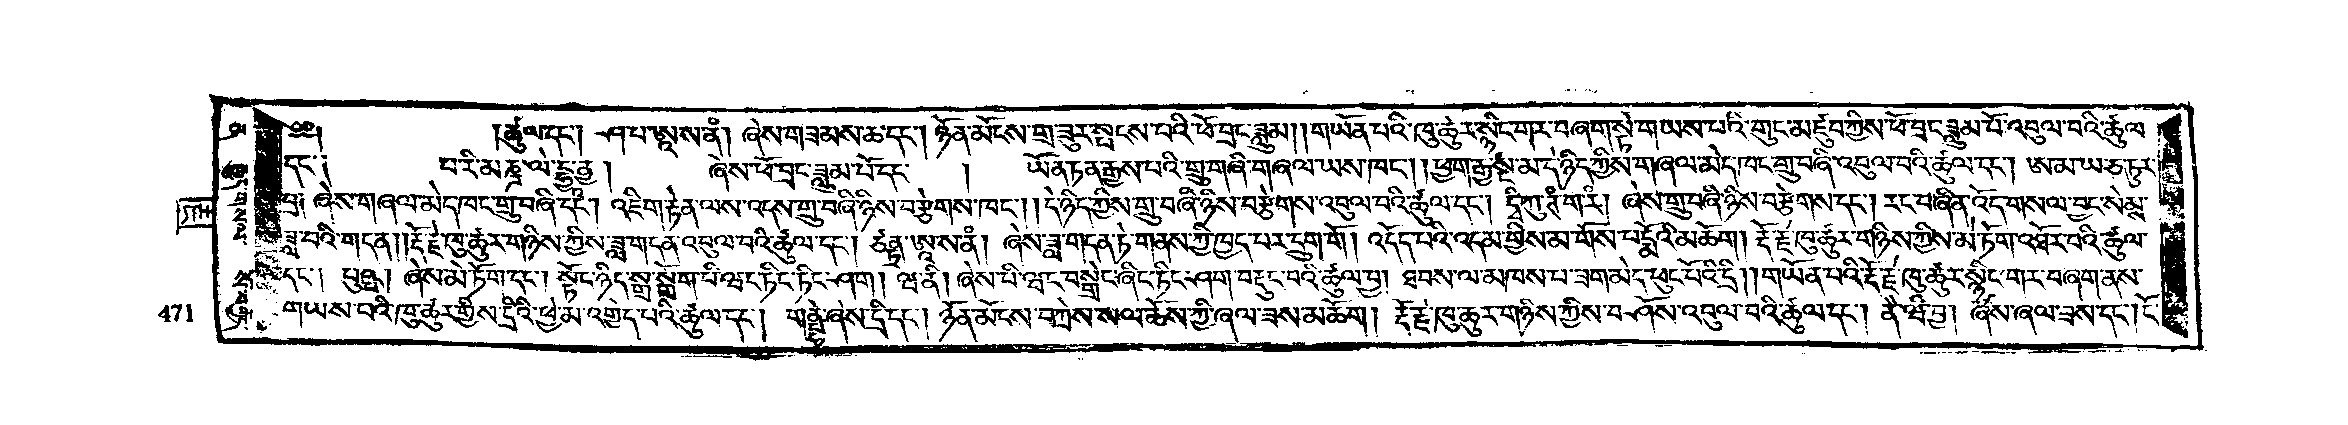༄༅། །ཚུལ་དང་། ཤ་པ་ཨཱ་ས་ནཾ། ཞེས་གཟིམས་ཆ་དང་། ཉོན་མོངས་གྲྭ་ཟུར་སྤངས་པའི་ཕོ་བྲང་ཟླུམ། །གཡོན་པའི་ཁུ་ཚུར་སྙིང་གར་བཞག་སྟེ་གཡས་པའི་གུང་མཛུབ་ཀྱིས་ཕོ་བྲང་ཟླུམ་པོ་འབུལ་བའི་ཚུལ་
དང༑ པ་རི་མཎྜ་ལེ་དྷྱ་ནྱ། ཞེས་ཕོ་བྲང་ཟླུམ་པོ་དང་། ཡོན་ཏན་རྒྱས་པའི་གྲུ་གཞི་གཞལ་ཡས་ཁང་། །ཕྱག་རྒྱ་སྔ་མ་དེ་ཉིད་ཀྱིས་གཞལ་མེད་ཁང་གྲུ་བཞི་འབུལ་བའི་ཚུལ་དང་། ཨ་མ་ཡ་ཙ་ཏུར་
པྲ༑ ཞེས་གཞལ་མེད་ཁང་གྲུ་བཞི་དང་། འཇིག་རྟེན་ལས་འདས་གྲུ་བཞི་ཉིས་བརྩེགས་ཁང་། །དེ་ཉིད་ཀྱིས་གྲུ་བཞི་ཉིས་བརྩེགས་འབུལ་བའི་ཚུལ་དང་། དྭི་ཀུ་ཊཾ་ག་རཾ། ཞེས་གྲུ་བཞི་ཉིས་བརྩེགས་དང་། རང་བཞིན་འོད་གསལ་བྱང་སེམས་
ཟླ་བའི་གདན། །རྡོ་རྗེ་ཁུ་ཚུར་གཉིས་ཀྱིས་ཟླ་གདན་འབུལ་བའི་ཚུལ་དང་། ཙནྟྲ་ཨཱ་ས་ནཾ། ཞེས་ཟླ་གདན་ཏེ་གནས་ཀྱི་ཁྱད་པར་དྲུག་གོ །འདོད་པའི་འདམ་གྱིས་མ་གོས་པདམོའི་མཆོག །རྡོ་རྗེ་ཁུ་ཚུར་གཉིས་ཀྱིས་མེ་ཏོག་འཐོར་བའི་ཚུལ་
དང་། པུཥྤ། ཞེས་མེ་ཏོག་དང་། སྟོང་ཉིད་སྒྲ་སྒྲོག་པི་ཝང་ཏིང་ཏིང་ཤག །ཝ་ནི། ཞེས་པི་ཝང་བསྒྲེང་ཞིང་ཏིང་ཤག་བརྡུང་བའི་ཚུལ་བྱ། ཐབས་ལ་མཁས་པ་ཟག་མེད་ཕུང་པོའི་དྲི། །གཡོན་པའི་རྡོ་རྗེ་ཁུ་ཚུར་སྙིང་གར་བཞག་ནས་
གཡས་པའི་ཁུ་ཚུར་གྱིས་དྲིའི་ཕྱེ་མ་འགྱེད་པའི་ཚུལ་དང་། གནྡྷེ་ཞེས་དྲི་དང་། ཉོན་མོངས་བཀྲེས་སེལ་ཆོས་ཀྱི་ཞལ་ཟས་མཆོག །རྡོ་རྗེ་ཁུ་ཚུར་གཉིས་ཀྱིས་བཤོས་འབུལ་བའི་ཚུལ་དང་། ནཻ་ཝི་དྱ། ཞེས་ཞལ་ཟས་དང་། ངོ་